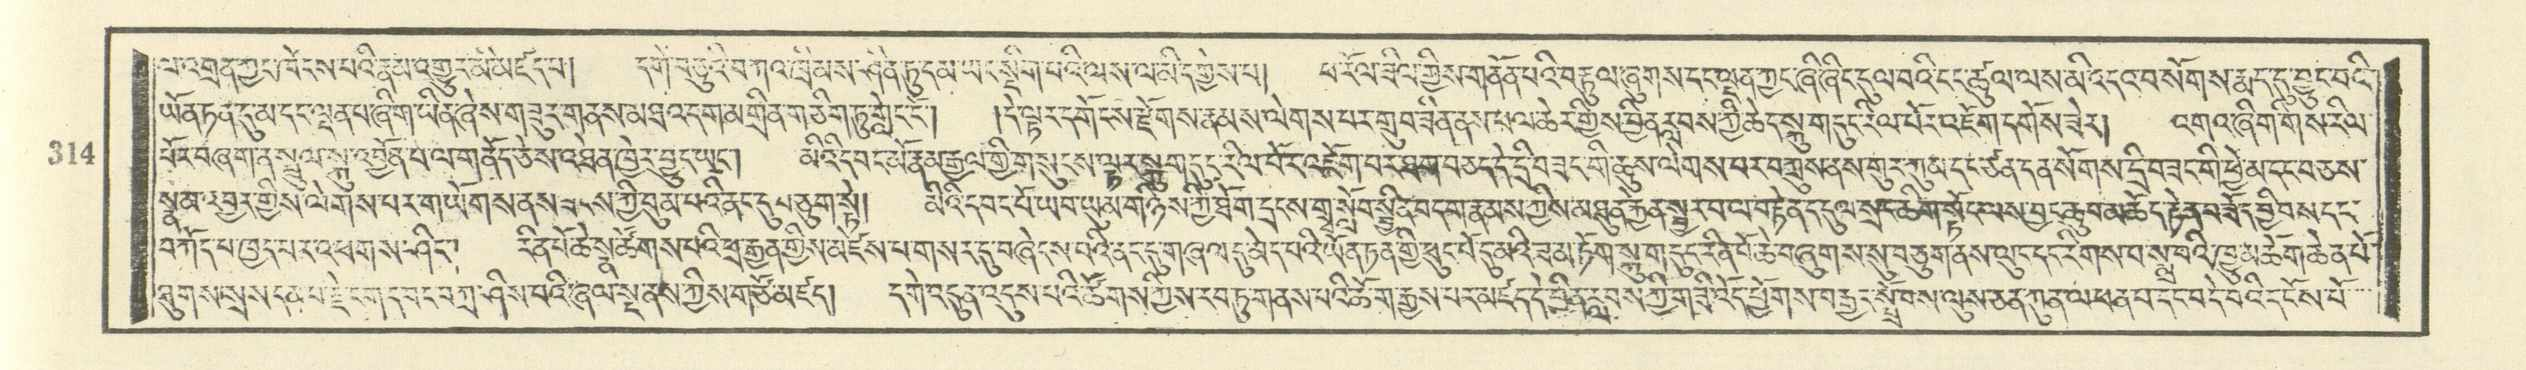ལ་འགྲན་ཀྱང་ཁེངས་པའི་རྣམ་འགྱུར་མི་མཛད་པ། དགེ་བཅུའི་བཀའ་ཁྲིམས་ཤིན་ཏུ་དམ་ཡང་སྡིག་པའི་ལས་ལ་མི་དགྱེས་པ། ཕ་རོལ་ཟིལ་གྱིས་གནོན་པའི་བརྟུལ་ཞུགས་?་ཀྱང་ཞི་ཞིང་དུལ་བའི་ངང་ཚུལ་ལས་མི་འདའ་བ་སོགས་རྨད་དུ་བྱུང་བའི་
ཡོན་ཏན་དུ་མ་དང་ལྡན་པ་ཞིག་ཡིན་ཞེས་གཟུར་གནས་མཐའ་དག་མགྲིན་གཅིག་ཏུ་གླེང་ངོ། །དེ་ལྟར་དགོངས་རྫོགས་རྣམས་ལེགས་པར་གྲུབ་ཟིན་ནས་ཕལ་ཆེར་གྱིས་བྱིན་རླབས་ཀྱི་ཆེད་སྐུ་གདུང་རིལ་པོར་འཇོག་དགོས་ཟེར། འགའ་ཞིག་གིས་རིལ་
བོར་བཞག་ན་སྤྲུལ་སྐུ་འབྱོན་པ་ལ་གནོད་ཅེས་འཐེན་ཁྱེར་བྱུང་ཡང་། མིའི་དབང་མོ་རྣམ་རྒྱལ་གྱི་གསུངས་ལྟར་སྐུ་གདུང་རིལ་པོར་འཇོག་པར་ཐག་བཅད་དེ་དྲི་བཟང་གི་ཆུས་ལེགས་པར་བཀྲུས་ནས་གུར་ཀུམ་དང་ཙན་དན་སོགས་དྲི་བཟང་གི་ཕྱེ་མ་དང་བཅས་
སྣམ་འབྱར་གྱིས་ལེགས་པར་གཡོགས་ནས་ཟངས་ཀྱི་བུམ་པའི་ནང་དུ་བཅུག་སྟེ། མིའི་དབང་པོ་ཡབ་ཡུམ་གཉིས་ཀྱི་ཐོག་དྲངས་གྲྭ་སློབ་སྦྱིན་བདག་རྣམས་ཀྱིས་མཐུན་རྐྱེན་སྦྱར་བ་ལ་བརྟེན་དངུལ་སྲང་ཆིག་སྟོང་ལས་བྱང་ཆུབ་མཆོད་རྟེན་བཟོ་དབྱིབས་དང་
བཀོད་པ་ཁྱད་པར་འཕགས་ཤིང་། རིན་པོ་ཆེ་སྣ་ཚོགས་པའི་ཕྲ་རྒྱན་གྱིས་མཛེས་པ་གསར་དུ་བཞེངས་པའི་ནང་དུ་གཞལ་དུ་མེད་པའི་ཡོན་ཏན་གྱི་ཕུང་པོ་དུ་མའི་ཟམ་ཏོག་སྐུ་གདུང་རིན་པོ་ཆེ་བཞུགས་སུ་བཅུག་ནས་ལུང་དང་རིགས་པ་སྨྲ་བའི་ཁྱུ་མཆོག་ཆེན་པོ་
ཐུགས་སྲས་དམ་པ་རྗེ་ངག་དབང་བཀྲ་ཤིས་པའི་ཞལ་སྔ་ནས་ཀྱིས་གཙོ་མཛད། དགེ་འདུན་འདུས་པའི་ཚོགས་ཀྱིས་རབ་ཏུ་གནས་པའི་ཆོ་ག་རྒྱས་པར་མཛད་དེ་བྱིན་རླབས་ཀྱི་གཟི་འོད་ཕྱོགས་བརྒྱད་སྒྲོགས་ལུས་ཅན་ཀུན་ལ་ཕན་པ་དང་བདེ་བའི་དངོས་པོ་